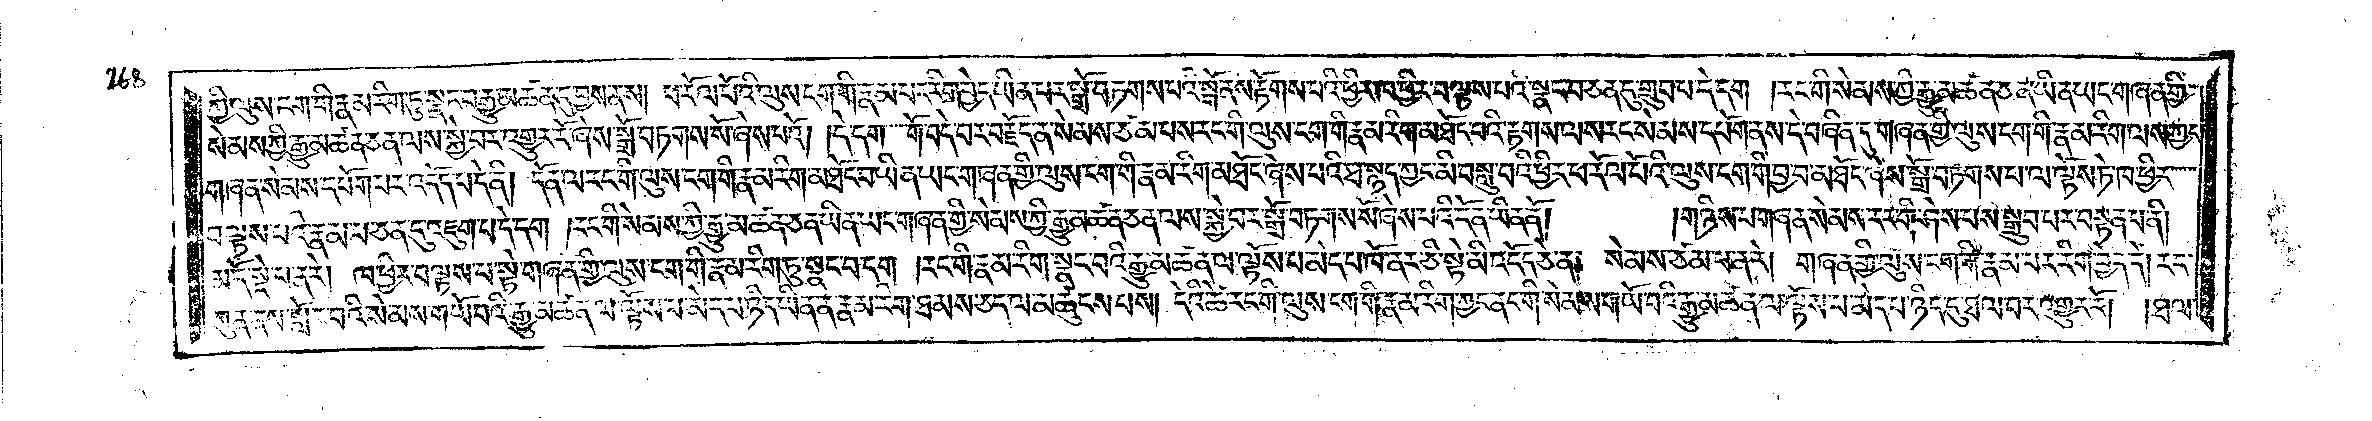ཀྱི་ལུས་ངག་གི་རྣམ་རིག་ཏུ་སྣང་བ་རྒྱུ་མཚན་དུ་བྱས་ནས། ཕ་རོལ་པོའི་ལུས་ངག་གི་རྣམ་པར་རིག་བྱེད་ཡིན་པར་སྒྲོ་བཏགས་པའི་སྒོ་ནས་རྟོགས་པའི་ཕྱིར་ཁ་ཕྱིར་བལྟས་པའི་སྣང་བ་ཅན་དུ་གྲུབ་པ་དེ་དག །རང་གི་སེམས་ཀྱི་རྒྱུ་མཚན་ཅན་ཡིན་ཡང་གཞན་གྱི་
སེམས་ཀྱི་རྒྱུ་མཚན་ཅན་ལས་སྐྱེ་བར་འགྱུར་རོ་ཞེས་སྒྲོ་བཏགས་སོ་ཞེས་པའོ། །དེ་དག་གོ་བདེ་བར་བརྗོད་ན་སེམས་ཙམ་པས་རང་གི་ལུས་ངག་གི་རྣམ་རིག་མཐོང་བའི་རྟགས་ལས་རང་སེམས་དཔོག་ནས་དེ་བཞིན་དུ་གཞན་གྱི་ལུས་ངག་གི་རྣམ་རིག་ལས་ཀྱང་
གཞན་སེམས་དཔོག་པར་འདོད་པ་དེ་ནི། དོན་ལ་རང་གི་ལུས་ངག་གི་རྣམ་རིག་མཐོང་བ་ཡིན་ཡང་གཞན་གྱི་ལུས་ངག་གི་རྣམ་རིག་མཐོང་ཞེས་པའི་ཐ་སྙད་ཀྱང་མི་བསླུ་བའི་ཕྱིར་ཕ་རོལ་པོའི་ལུས་ངག་གི་བྱ་བ་མཐོང་ཞེས་སྒྲོ་བཏགས་པ་ལ་ལྟོས་ཏེ་ཁ་ཕྱིར་
བལྟས་པའི་རྣམ་པ་ཅན་དུ་འཇུག་པ་དེ་དག །རང་གི་སེམས་ཀྱི་རྒྱུ་མཚན་ཅན་ཡིན་ཡང་གཞན་གྱི་སེམས་ཀྱི་རྒྱུ་མཚན་ཅན་ལས་སྐྱེ་བར་སྒྲོ་བཏགས་སོ་ཞེས་པའི་དོན་ཡིན་ནོ། །གཉིས་པ་གཞན་སེམས་རང་གི་ཤེས་པས་སྒྲུབ་པར་བསྟན་པ་ནི།
མདོ་སྡེ་པ་ན་རེ། ཁ་ཕྱིར་བལྟས་པ་སྟེ་གཞན་གྱི་ལུས་ངག་གི་རྣམ་རིག་ཏུ་སྣང་བ་དག །རང་གི་རྣམ་རིག་སྣང་བའི་རྒྱུ་མཚན་ལ་ལྟོས་པ་མེད་པ་ཁོ་ནར་ཅི་སྟེ་མི་འདོད་ཅེ་ན། སེམས་ཙམ་ཕན་རེ། གཞན་གྱི་ལུས་ངག་གི་རྣམ་པར་རིག་བྱེད་དེ། རང་
ཀུན་ནས་སློང་བའི་སེམས་གཡོ་བའི་རྒྱུ་མཚན་ལ་ལྟོས་པ་མེད་པ་ཉིད་ཡིན་ན་རྣམ་རིག་ཐམས་ཅད་ལ་མཚུངས་པས། དེའི་ཚེ་རང་གི་ལུས་ངག་གི་རྣམ་རིག་ཀྱང་ནང་གི་སེམས་གཡོ་བའི་རྒྱུ་མཚན་ལ་ལྟོས་པ་མེད་པ་ཉིད་དུ་ཐལ་བར་འགྱུར་རོ། །ཐལ་